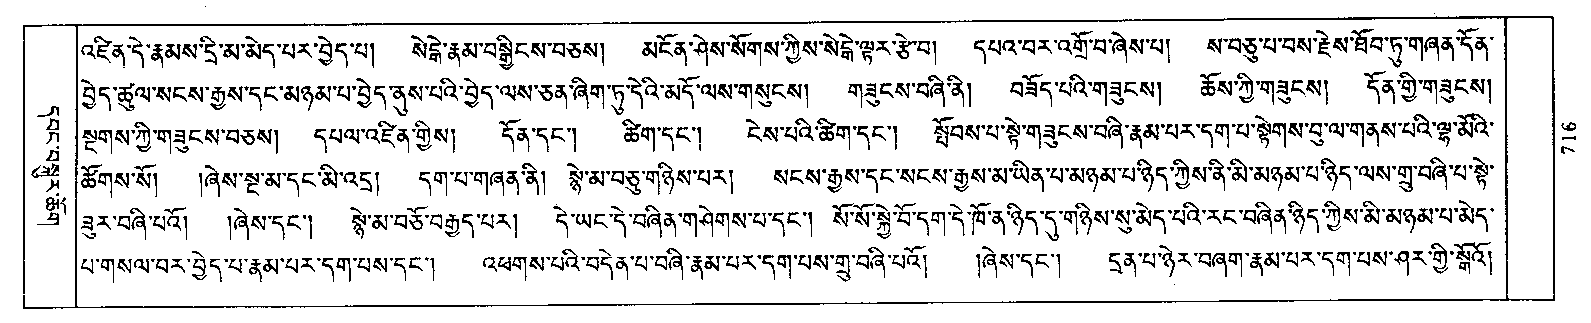འཛིན་དེ་རྣམས་དྲི་མ་མེད་པར་བྱེད་པ། སེངྒེ་རྣམ་བསྒྱིངས་བཅས། མངོན་ཤེས་སོགས་ཀྱིས་སེངྒེ་ལྟར་རྩེ་བ། དཔའ་བར་འགྲོ་བ་ཞེས་པ། ས་བཅུ་པ་བས་རྗེས་ཐོབ་ཏུ་གཞན་དོན་
བྱེད་ཚུལ་སངས་རྒྱས་དང་མཉམ་པ་བྱེད་ནུས་པའི་བྱེད་ལས་ཅན་ཞིག་ཏུ་དེའི་མདོ་ལས་གསུངས། གཟུངས་བཞི་ནི། བཟོད་པའི་གཟུངས། ཆོས་ཀྱི་གཟུངས། དོན་གྱི་གཟུངས།
སྔགས་ཀྱི་གཟུངས་བཅས། དཔལ་འཛིན་གྱིས། དོན་དང་། ཚིག་དང་། ངེས་པའི་ཚིག་དང་། སྤོབས་པ་སྟེ་གཟུངས་བཞི་རྣམ་པར་དག་པ་སྟེགས་བུ་ལ་གནས་པའི་ལྷ་མོའི་
ཚོགས་སོ། །ཞེས་སྔ་མ་དང་མི་འདྲ། དག་པ་གཞན་ནི། སྙེ་མ་བཅུ་གཉིས་པར། སངས་རྒྱས་དང་སངས་རྒྱས་མ་ཡིན་པ་མཉམ་པ་ཉིད་ཀྱིས་ནི་མི་མཉམ་པ་ཉིད་ལས་གྲུ་བཞི་པ་སྟེ་
ཟུར་བཞི་པའོ། །ཞེས་དང་། སྙེ་མ་བཅོ་བརྒྱད་པར། དེ་ཡང་དེ་བཞིན་གཤེགས་པ་དང་། སོ་སོ་སྐྱེ་བོ་དག་དེ་ཁོ་ན་ཉིད་དུ་གཉིས་སུ་མེད་པའི་རང་བཞིན་ཉིད་ཀྱིས་མི་མཉམ་པ་མེད་
པ་གསལ་བར་བྱེད་པ་རྣམ་པར་དག་པས་དང་། འཕགས་པའི་བདེན་པ་བཞི་རྣམ་པར་དག་པས་གྲུ་བཞི་པའོ། །ཞེས་དང་། དྲན་པ་ཉེར་བཞག་རྣམ་པར་དག་པས་ཤར་གྱི་སྒོའོ།